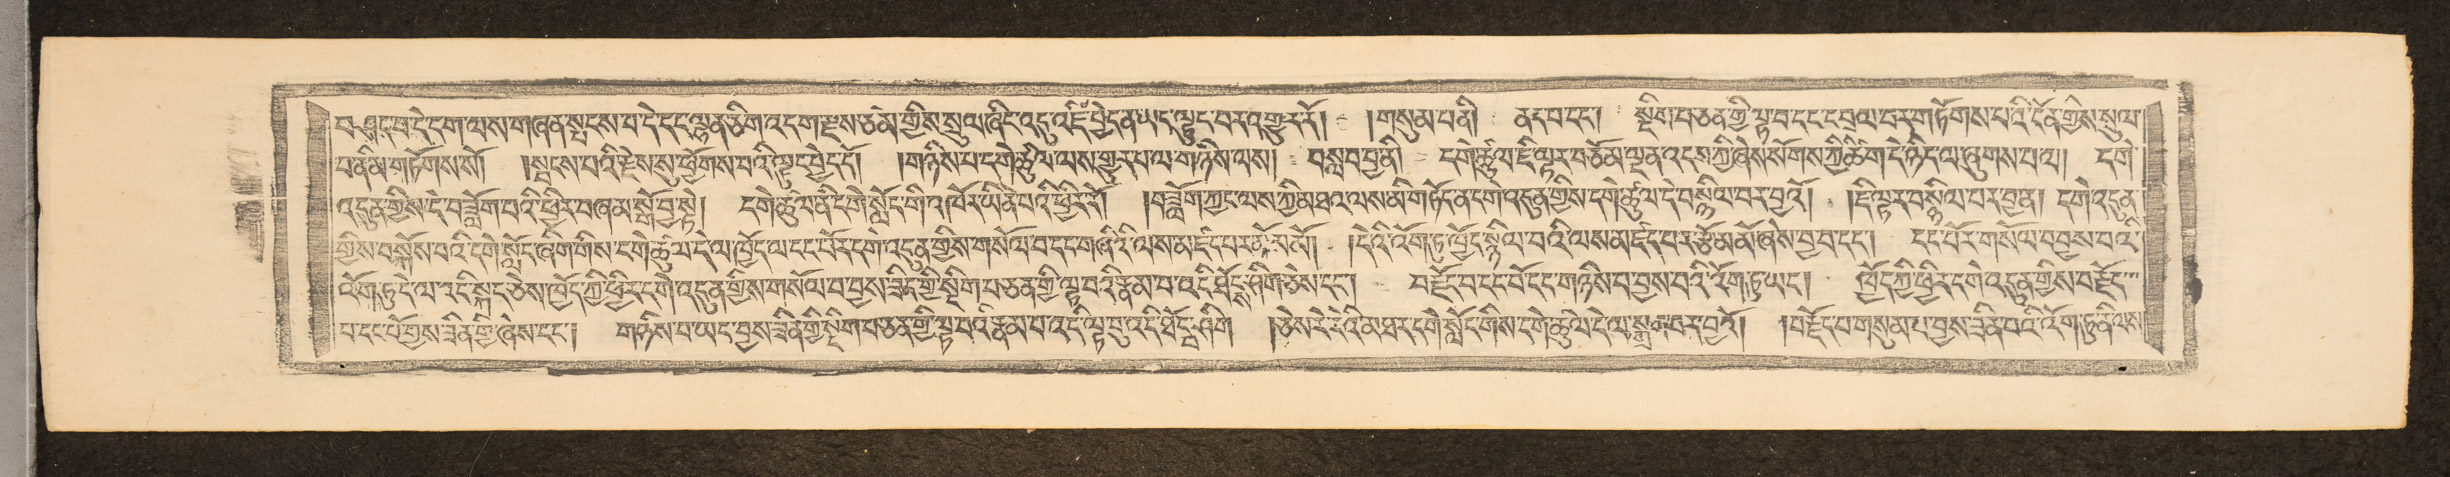བཤད་པ་དེ་དག་ལས་གཞན་སྤངས་པ་དེ་དང་ལྷན་ཅིག་འདག་རྫས་ཙམ་གྱིས་སྲུལ་ཞིང་འདུ་འཛི་བྱེད་ན་ཡང་ལྟུང་བར་འགྱུར་རོ། །གསུམ་བ་ནི། ནད་པ་དང་། སྡིག་བ་ཅན་གྱི་ལྟ་བ་དང་དབྲལ་བར་གཏོགས་པའི་དོན་གྱིས་སྲུལ་
བ་ནི་མ་གཏོགས་སོ། །སྤངས་བའི་རྗེས་སུ་ཕྱོགས་པའི་ལྟུང་བྱེད་དོ། །གཉིས་པ་དགེ་ཚུལ་ལས་གྱུར་པ་ལ་གཉིས་ལས། བསླབ་བྱ་ནི། དགེ་ཚུལ་ཇི་ལྟར་བཅོམ་ལྡན་འདས་ཀྱི་ཞེས་སོགས་ཀྱི་ཚིག་དེ་ཉིད་ལ་ཞུགས་པ་ལ། དགེ་
འདུན་གྱིས་དེ་བཟློག་པའི་ཕྱིར་བཞམ་སྒོ་བྱ་སྟེ། དགེ་ཚུལ་ནི་དགེ་སློང་གི་འཁོར་ཡིན་པའི་ཕྱིར་རོ། །བཟློག་ཀྱང་ལས་ཀྱི་མཐའ་ལས་མི་གཏོང་ན་དགེ་འདུན་གྱིས་དགེ་ཚུལ་དེ་བསྙིལ་བར་བྱའོ། །ཇི་ལྟར་བསྙིལ་བར་བྱ་ན། དགེ་འདུན་
གྱིས་བསྐོས་པའི་དགེ་སློང་ཞིག་གིས་དགེ་ཚུལ་དེ་ལ་ཁྱོད་ལ་དང་པོར་དགེ་འདུན་གྱིས་གསོལ་བ་དང་གཞིའི་ལས་མཛད་པར་རྩོམ་མོ། །དེའི་འོག་ཏུ་ཁྱོད་སྙིལ་བའི་ལས་མཛད་པར་རྩོམ་མོ་ཞེས་བྱ་བ་དང་། དང་པོར་གསོལ་བ་བྱས་བའི་
འོག་ཏུ་དེ་ལ་འདི་སྐད་ཅེས་ཁྱོད་ཀྱི་ཕྱིར་དགེ་འདུན་གྱིས་གསོལ་བ་བྱས་ཟིན་གྱི་སྡིག་བ་ཅན་གྱི་ལྟ་བའི་རྣམ་པ་འདི་ཐོངས་ཤིག་ཅེས་དང་། བརྗོད་པ་དང་བོ་དང་གཉིས་བ་བྱས་པའི་འོག་ཏུ་ཡང་། ཁྱོད་ཀྱི་ཕྱིར་དགེ་འདུན་གྱིས་བརྗོད་
པ་དང་པོ་བྱས་ཟིན་གྱི་ཞེས་དང་། གཉིས་པ་ཡང་བྱས་ཟིན་གྱི་སྡིག་པ་ཅན་གྱི་ལྟ་བའི་རྣམ་པ་འདི་ལྟ་བུ་འདི་ཐོངས་ཤིག །ཅེས་རེ་རེའི་མཐར་དགེ་སློང་གིས་དགེ་ཚུལ་དེ་ལ་སྒྲོག་བར་བྱའོ། །བརྗོད་པ་གསུམ་པ་བྱས་ཟིན་པའི་འོག་ཏུ་ནི་ལ་